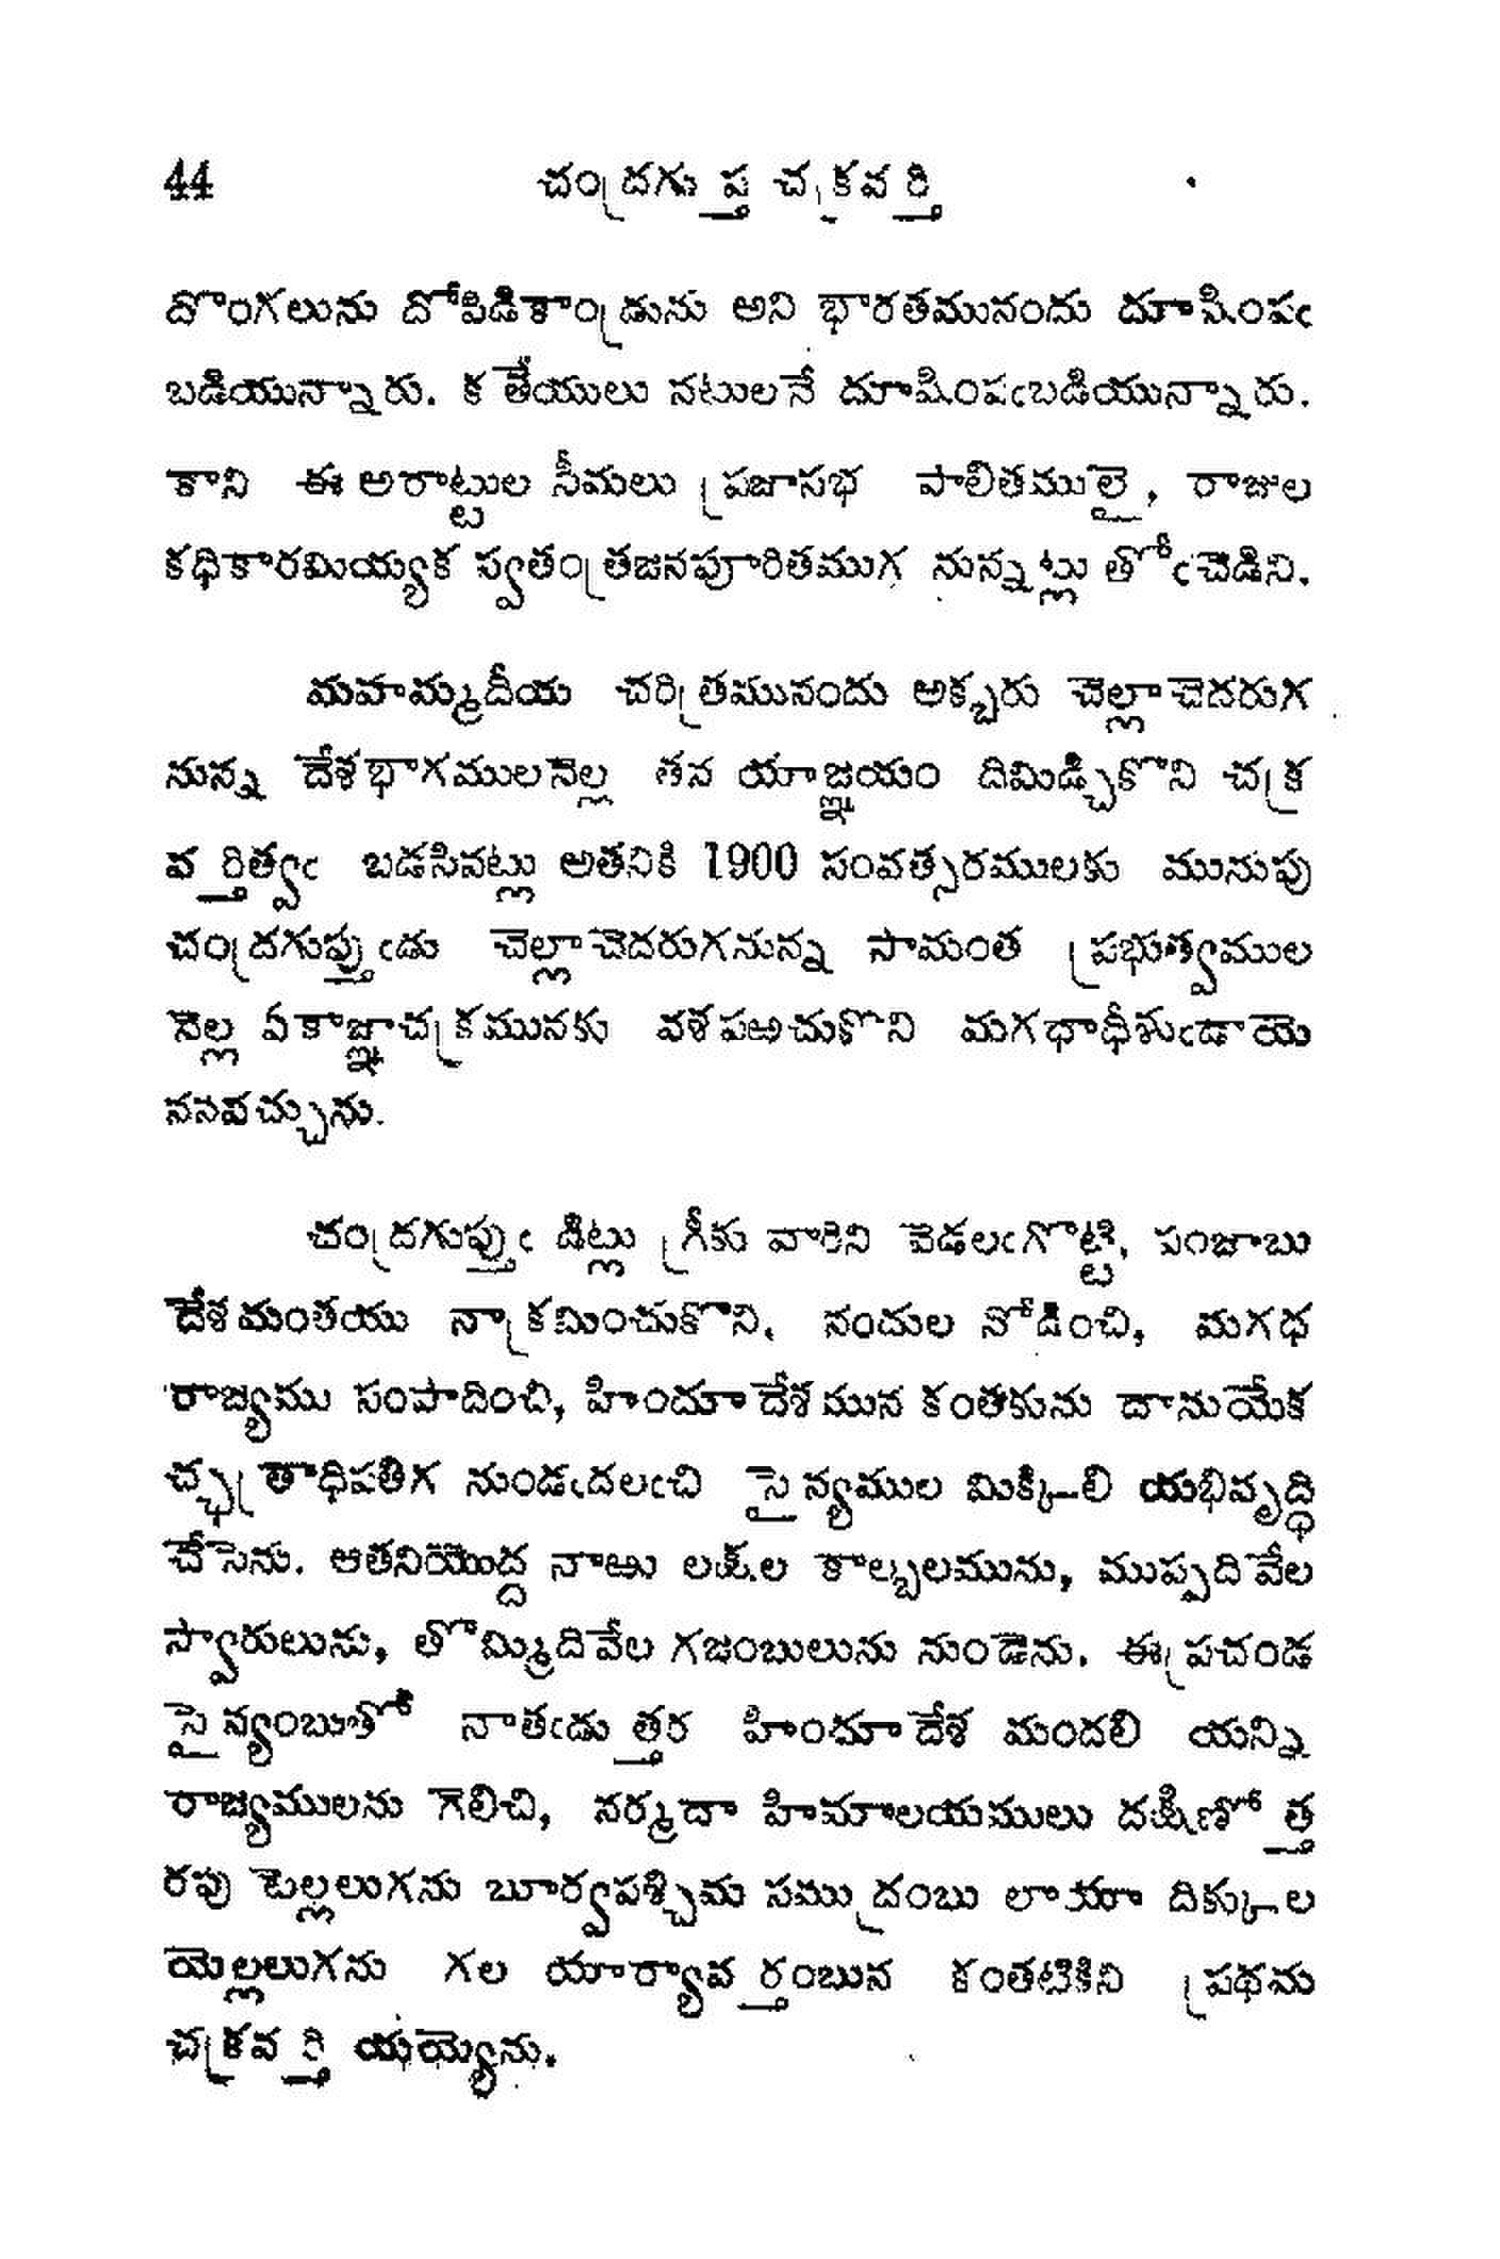దొంగలును దోపిడికాండ్రును అని భారతమునందు దూషింపఁ బడియున్నారు. కతేయులు నటులనే దూషింపఁబడియున్నారు. కాని ఈ అరాట్టుల సీమలు ప్రజాసభ పాలితములై, రాజుల కధికారమియ్యక స్వతంత్రజనపూరితముగ నున్నట్లు తోఁచెడిని.

మహమ్మదీయ చరిత్రమునందు అక్బరు చెల్లాచెదరుగ నున్న దేశభాగములనెల్ల తన యాజ్ఞయం దిమిడ్చికొని చక్రవర్తిత్వఁ బడసినట్లు అతనికి 1900 సంవత్సరములకు మునుపు చంద్రగుప్తుఁడు చెల్లాచెదరుగనున్న సామంత ప్రభుత్వముల నెల్ల ఏకాజ్ఞాచక్రమునకు వశపజచుకొని మగధాధీశుఁడాయె ననవచ్చును.

చంద్రగుప్తుఁ డిట్లు గ్రీకు వారిని వెడలఁగొట్టి, పంజూబు దేశమంతయు నాక్రమించుకొని, నందుల నోడించి, మగధరాజ్యము సంపాదించి, హిందూదేశమున కంతకును దానుయేక చ్ఛత్రాధిపతిగ నుండఁదలఁచి సైన్యముల మిక్కిలి యభివృద్ధి చేసెను. అతనియొద్ద నాఱు లక్షల కాల్బలమును, ముప్పదివేల స్వారులును, తొమ్మిదివేల గజంబులును నుండెను, ఈప్రచండ సైన్యంబుతో నాతఁడుత్తర హిందూ దేశ మందలి యన్ని రాజ్యములను గెలిచి, నర్మదా హిమాలయములు దక్షిణోత్తరపు టెల్లలుగను బూర్వపశ్చిమ సముద్రంబు లాయా దిక్కుల యెల్లలుగను గల యార్యావర్తంబున కంతటికిని ప్రథమ చక్రవర్తి యయ్యెను.